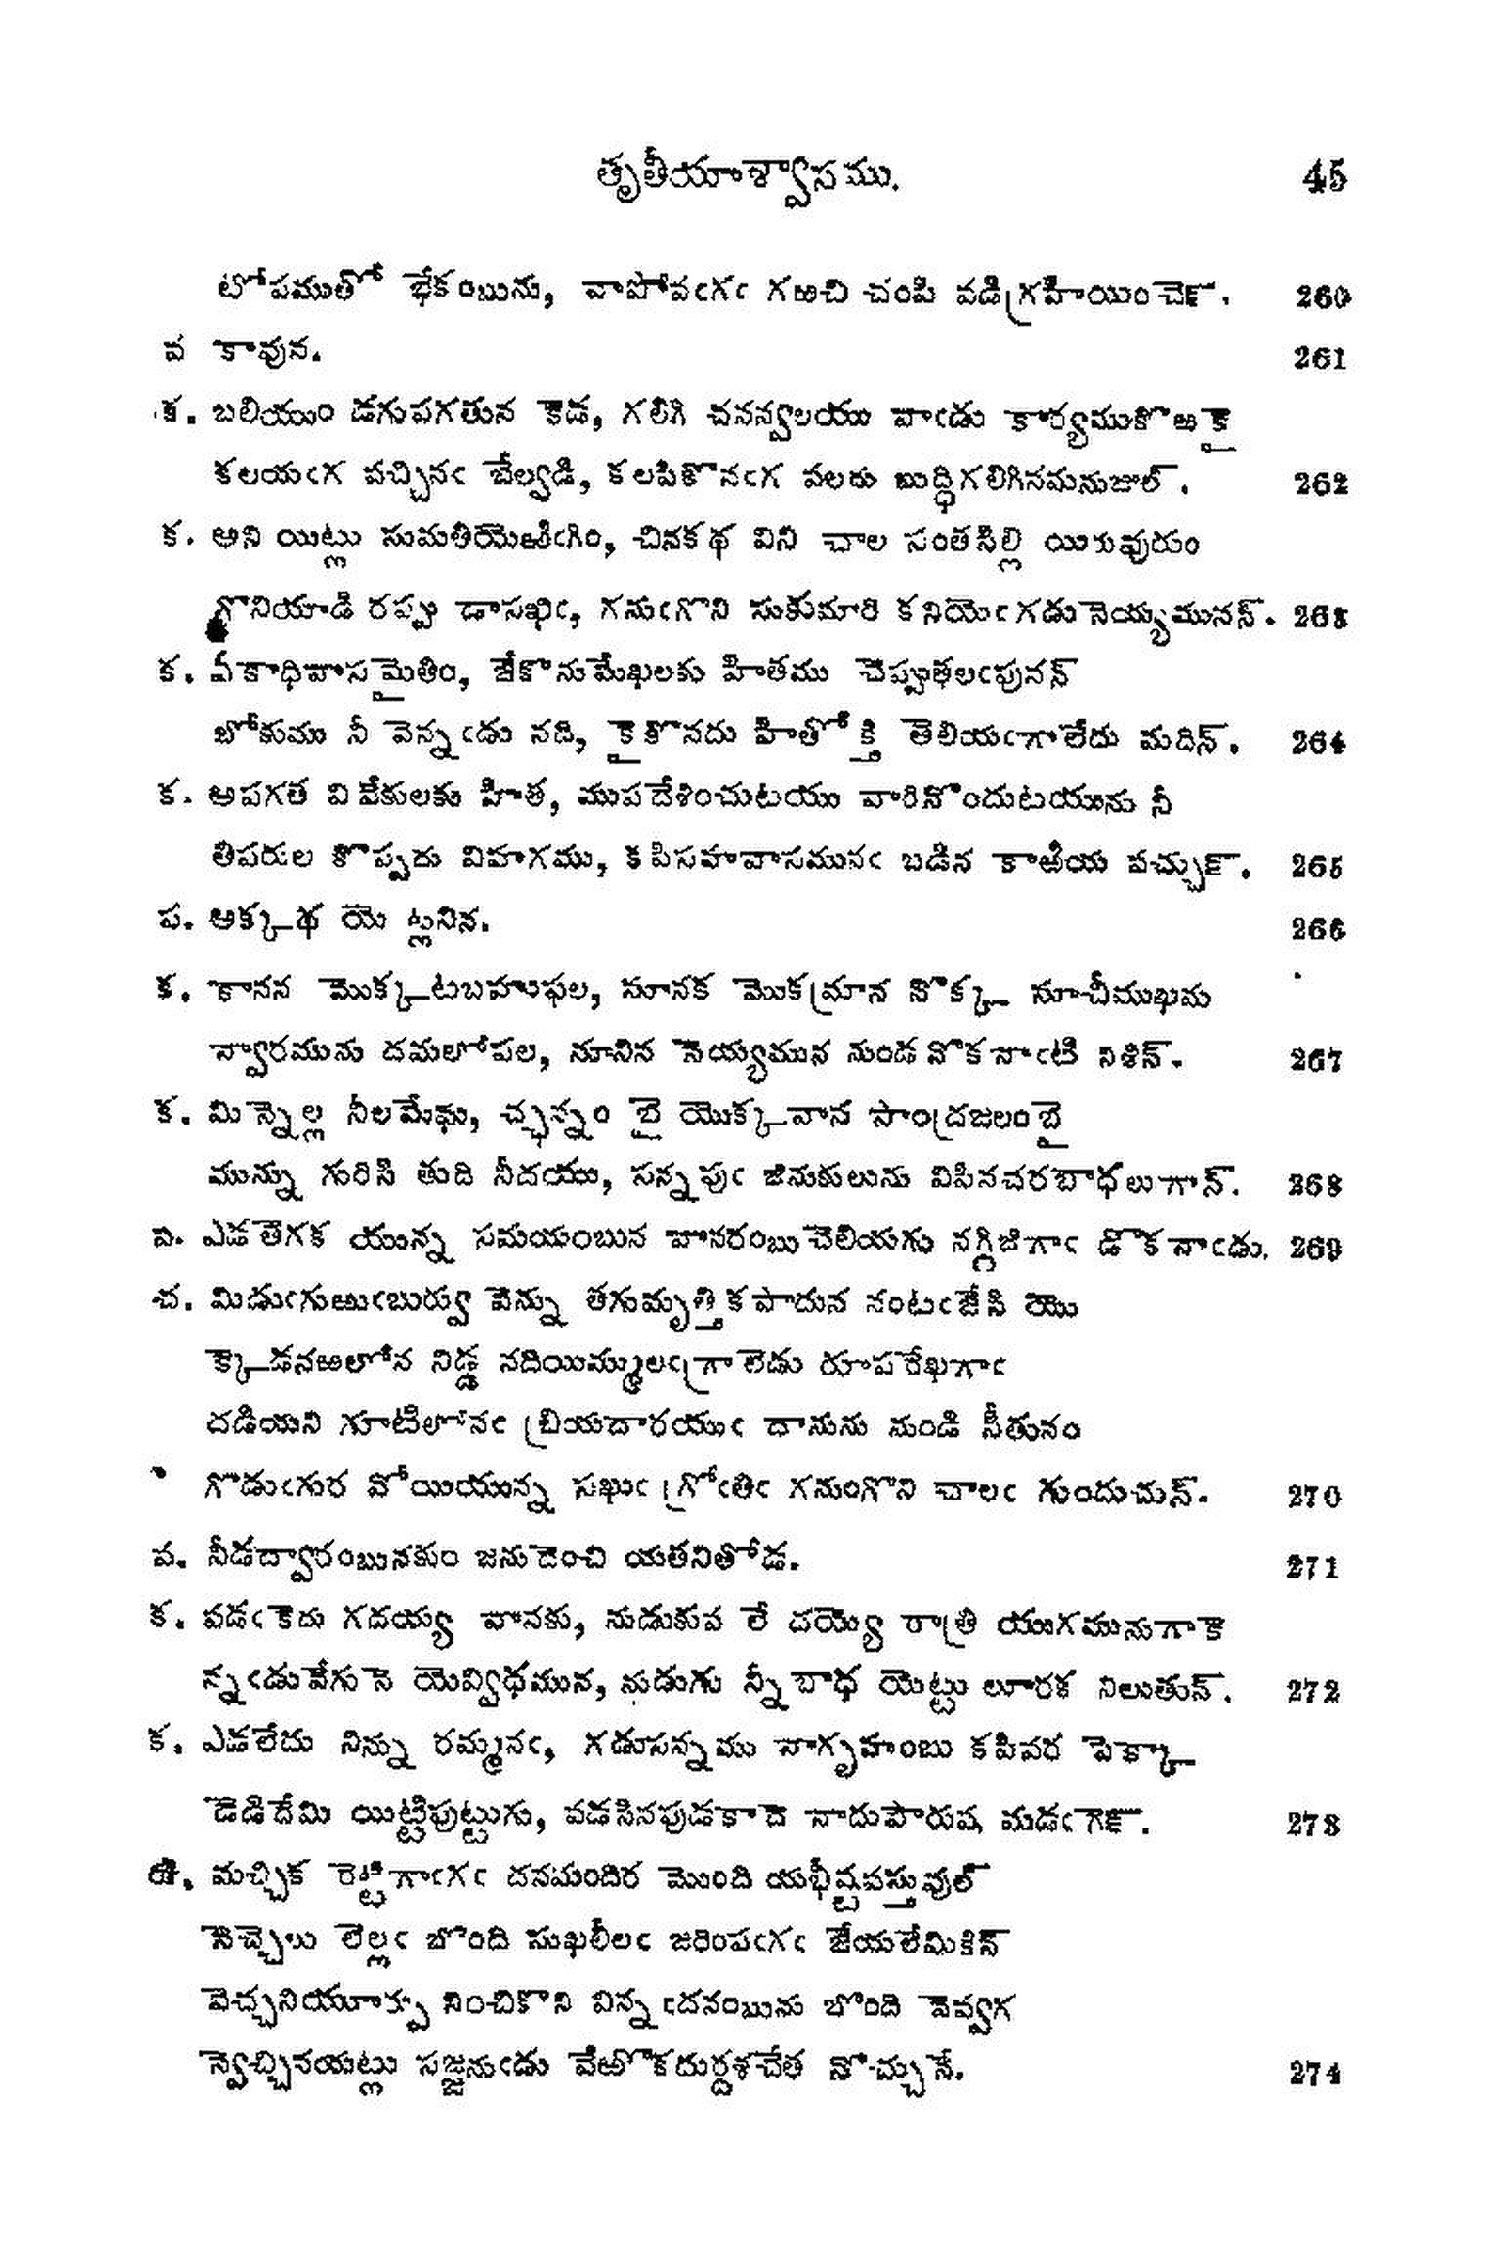టోపముతో భేకంబును, వాపోవఁగఁ గఱచి చంపి వడి గ్రహియించెన్.
వ. కావున.
క. బలియుం డగుపగతున కెడ, గలిగి చనన్వలయు వాఁడు కార్యముకొఱకై
 కలయఁగ వచ్చినఁ బేల్వడి, కలపికొనఁగ వలరు బుద్ధిగలిగినమనుజుల్.
క. అని యిట్లు సుమతి యెఱిఁగిం, చినకథ విని చాల సంతసిల్లి యిరువురుం
 కొనియాడి రప్పు డాసఖి, గనుఁగొని సుకుమారి కనియెఁ గడునెయ్యమునన్.
క. ఏకాధివాస మైతిం, జేకొనుమేఖలకు హితము చెప్పుతలఁపునన్
 బోకుము నీ వెన్నఁడు నది, క కొనదు హితోక్తి తెలియఁగా లేదు మదిన్.
క. అపగతవివేకులకు హిత, ముపదేశించుటయు వారినొందుటయును నీ
 తిపరుల కొప్పదు విహగము, కపిసహవాసమునఁ బడిన కాఱియ వచ్చున్.
వ. అక్కథ యెట్లనిన.
క. కానన మొక్కట బహుఫల, నూనక మొకమ్రాన నొక్కసూచీముఖమ
 న్వారమును దమలోపల, నూనిన నెయ్యమున నుండ నొకనాఁటి నిశిన్.
క. మిన్నెల్ల నీలమేఘ, చ్ఛన్నం బై యొక్కవాన సాంద్రజలం బై
 మున్ను గురిసి తుది నీదయు, సన్నపుఁ జినుకులును విపినచరబాధలుగాన్.
వ. ఎడతెగక యున్న సమయంబున వానరంబు చెలియగు నగ్గిజిగాఁ డొకనాఁడు.
చ. మిడుఁగుఱుఁబుర్వు వెన్ను తగుమృత్తికపాదున నంటఁజేసి యొ
 క్కెడనఱలోన నిడ్డ నదియిమ్ములఁగ్రాలెడు రూపరేఖగా
 దడియని గూటిలోనఁ బ్రియదారయుఁ దానును నుండి సీతునం
 గొడుఁగుర వోయియున్న సఖుఁ గ్రోఁతిఁ గనుంగొని చాలఁ గుందుచున్.
వ. నీడద్వారంబునకుం జనుదెంచి యతనితోడ.
క. వడఁకెదు గదయ్య వానకు, నుడుకువ లే దయ్యొ రాత్రి యుగమునుగా కె
 న్నఁడు వేగునె యెవ్విధమున, నుడుగు న్నీబాధ యెట్టు లూరక నిలుతున్.
క. ఎడలేదు నిన్ను రమ్మనఁ, గడుసన్నము నాగృహంబు కపివర పెక్కా
 డెడిదేమి యిట్టిపుట్టుగు, వడసినపుడ కాదె నాదు పౌరుష మడఁగెన్.
ఉ. మచ్చిక రెట్టిగాఁగఁ దనమందిర మొంది యభీష్టవస్తువుల్
 నెచ్చెలు లెల్లఁ బొంది సుఖలీలఁ జరింపఁగఁ జేయలేమికిన్
 వెచ్చనియూర్పు నించికొని విన్నఁదనంబును బొంది వెవ్వగ
 న్వెచ్చినయట్లు సజ్జనుఁడు వేఱొకదుర్దశచేత నొచ్చునే.